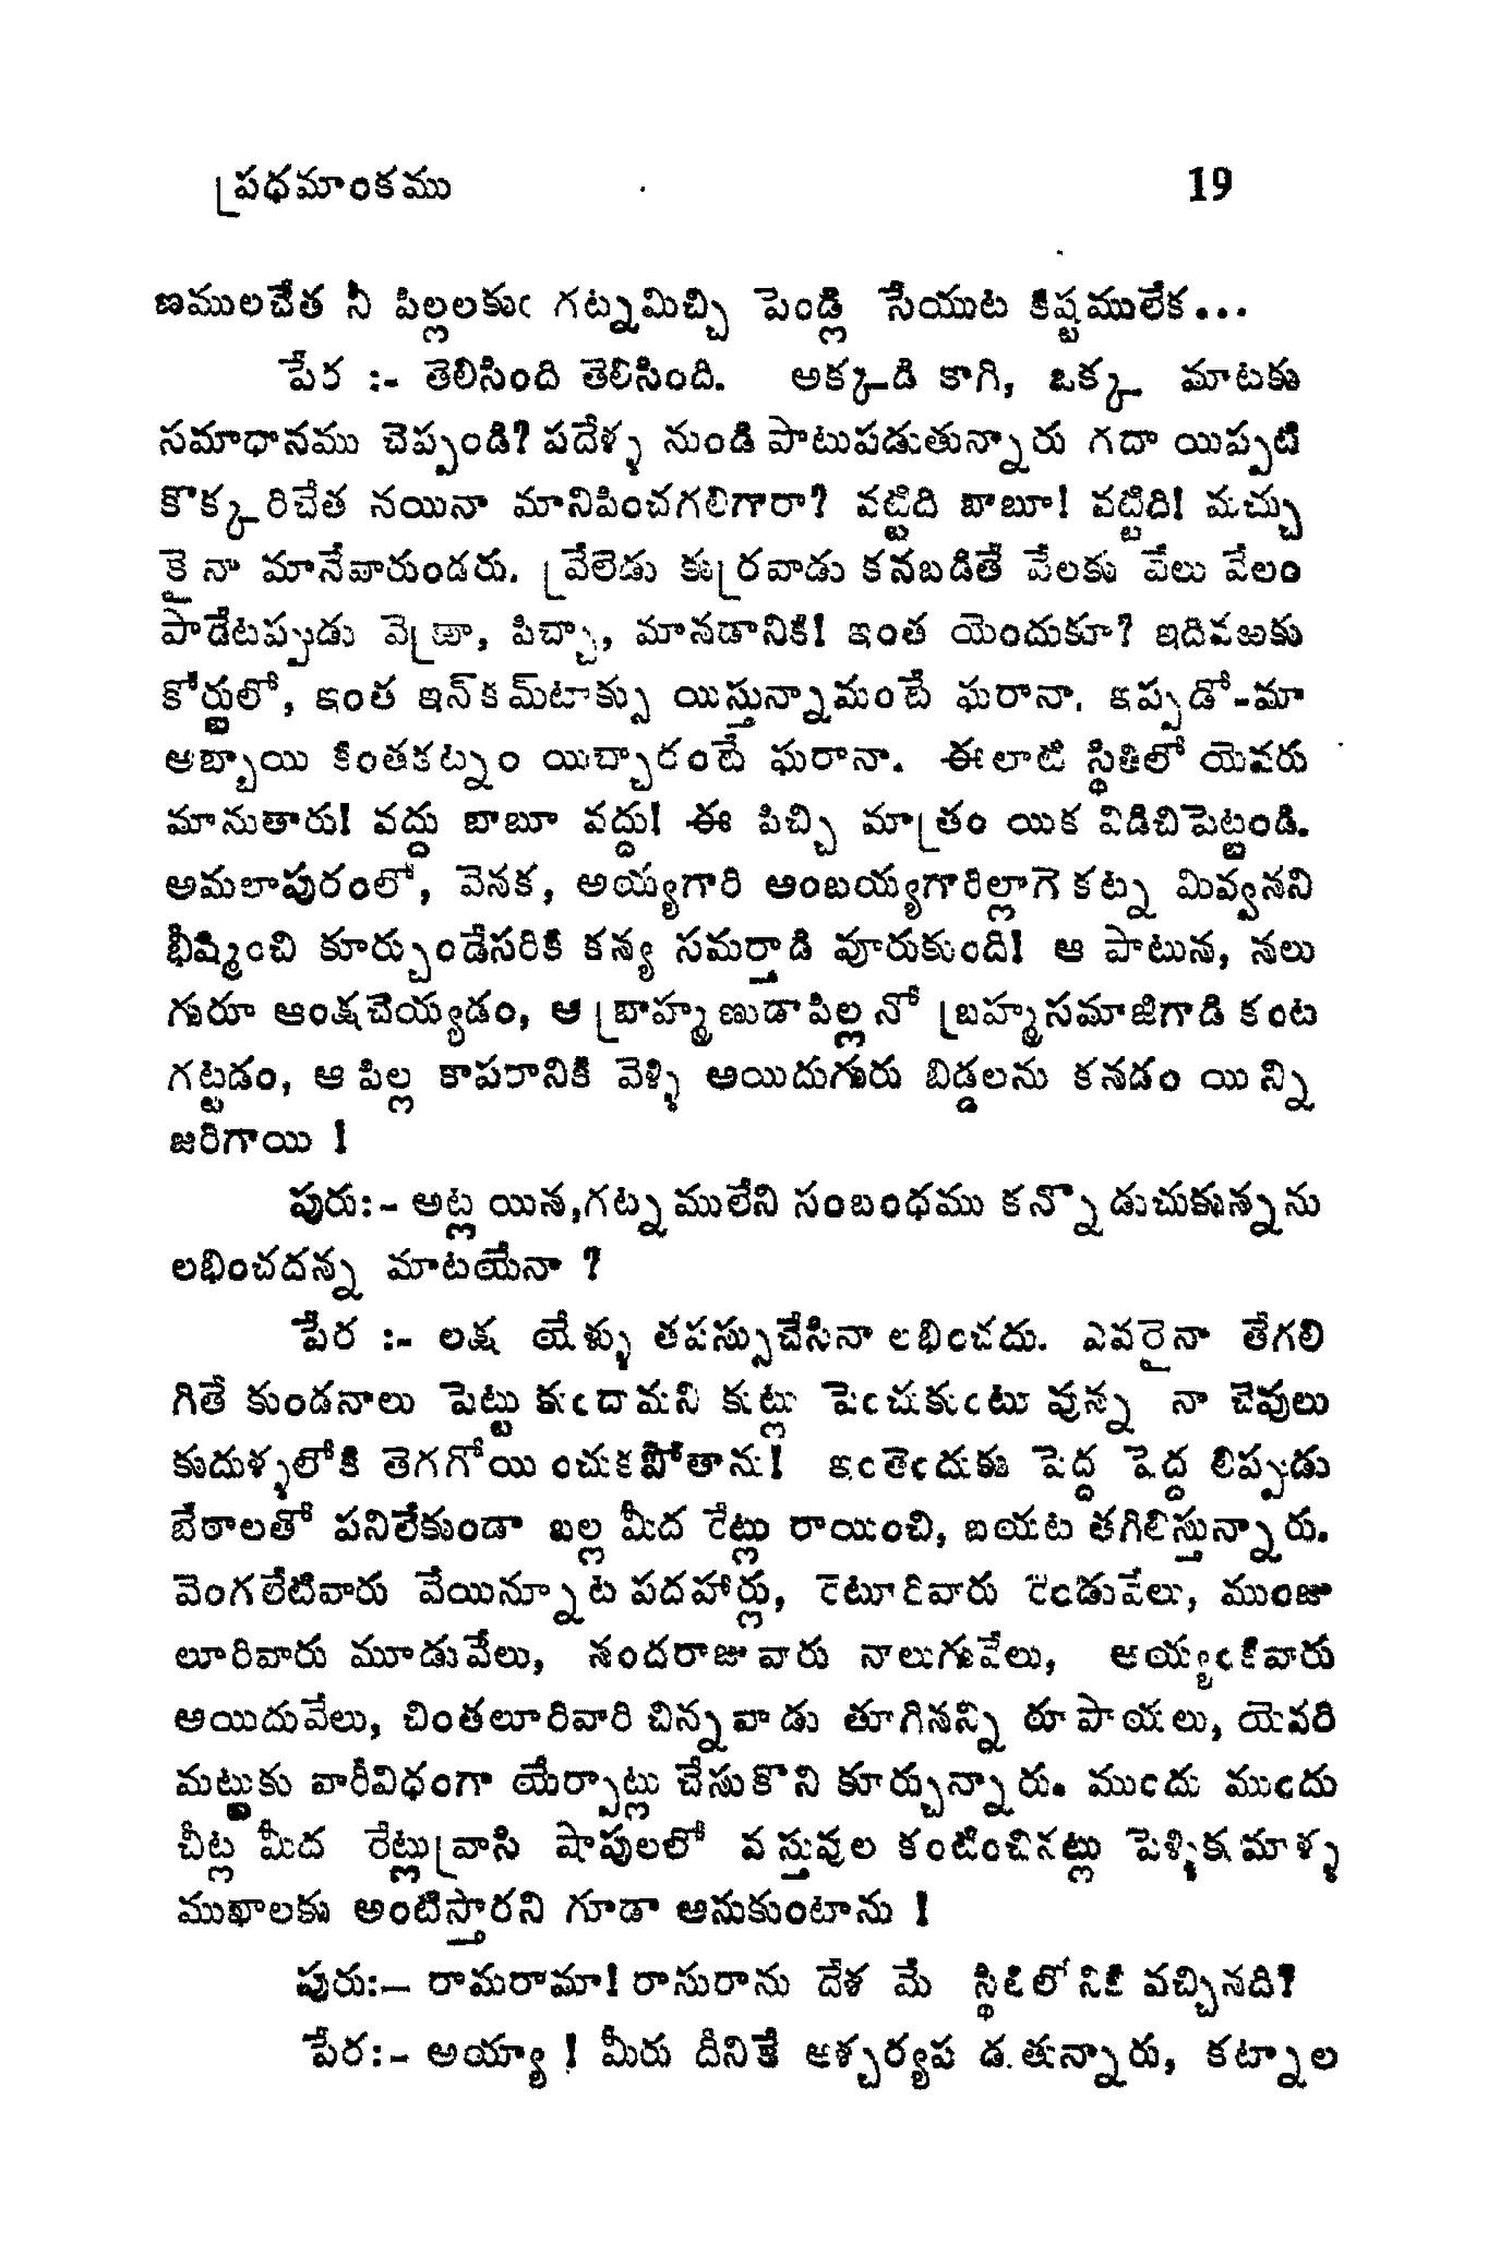ణములచేత నీ పిల్లలకుఁ గట్నమిచ్చి పెండ్లి సేయుట కిష్టములేక ...

పేర:- తెలిసింది తెలిసింది. అక్కడి కాగి, ఒక్క మాటకు సమాధానము చెప్పండి? పదేళ్ళ నుండి పాటుపడుతున్నారు గదా? యిప్పటి కొక్కరిచేత నయినా మానిపించగలిగారా? వట్టిది బాబూ! వట్టిది! మచ్చుకైనా మానేవారుండరు. వ్రేలెడు కుర్రవాడు కనబడితే వేలకు వేలు వేలం పాడేటప్పుడు, వెఱ్రా, పిచ్చా, మానడానికి! ఇంత యెందుకూ? ఇదివఱకు కోర్టులో, ఇంత ఇన్‌కమ్‌టాక్సు యిస్తున్నామంటే ఘరానా. ఇప్పుడో - మాఅబ్బాయి కింతకట్నం యిచ్చారంటే ఘరానా! ఈలాటి స్థితిలో ఎవరు మానుతారు! వద్దు బాబూ వద్దు! ఈ పిచ్చి మాత్రం యిక విడిచిపెట్టండి. అమలాపురంలో, వెనక, అయ్యగారి అంబయ్యగారిల్లాగె కట్న మివ్వనని భీష్మించి కూర్చుండేసరికి కన్య సమర్తాడి వూరుకుంది! ఆపాటున, నలుగురూ ఆంక్షచెయ్యడం, ఆబ్రాహ్మణుడాపిల్లనో బ్రహ్మసమాజిగాడి కంట గట్టడం, ఆపిల్ల కాపరానికి వెళ్లి అయిదుగురు బిడ్డలను కనడం యిన్ని జరిగాయి!

పురు:- అట్ల యినఁ,గట్నములేని సంబంధము కన్నొడుచుకున్నను లభింపదన్న మాటయేనా?

పేర:- లక్ష యేళ్ళు తపస్సు చేసినా లభించదు. ఎవరైనా తేగలిగితే కుండనాలు పెట్టుకుందామని కుట్లు పెంచుకుంటూ వున్న నా చెవులు కుదుళ్ళలోకి తెగగోయించుకపోతాను! ఇంతెందుకు పెద్ద పెద్ద లిప్పుడు బేరాలతో పనిలేకుండా బల్ల మీద రేట్లు రాయించి, బయట తగిలిస్తున్నారు. వెంగలేటివారు వేయిన్నూటపదహార్లు, రెటూరివారు రెండువేలు, ముంజులూరివారు మూడువేలు, నందరాజువారు నాలుగువేలు, అయ్యంకివారు అయిదువేలు, చింతలూరివారి చిన్నవాడు తూగినన్ని రూపాయలు ఎవరి మట్టుకు వారీవిధంగా యేర్పాట్లు చేసుకుని కూర్చున్నారు. ముందుముందు చీట్ల మీద రేట్లువ్రాసి షాపులలో వస్తువుల కంటించినట్లు పెళ్ళికుమాళ్ళ ముఖాలకు అంటిస్తారని కూడా అనుకుంటాను!

పురు:- రామరామా! రానురాను దేశ మే స్థితిలోనికి వచ్చినది?

పేర:- అయ్యా! మీరు దీనికే ఆశ్చర్యపడుతున్నారు. కట్నాల